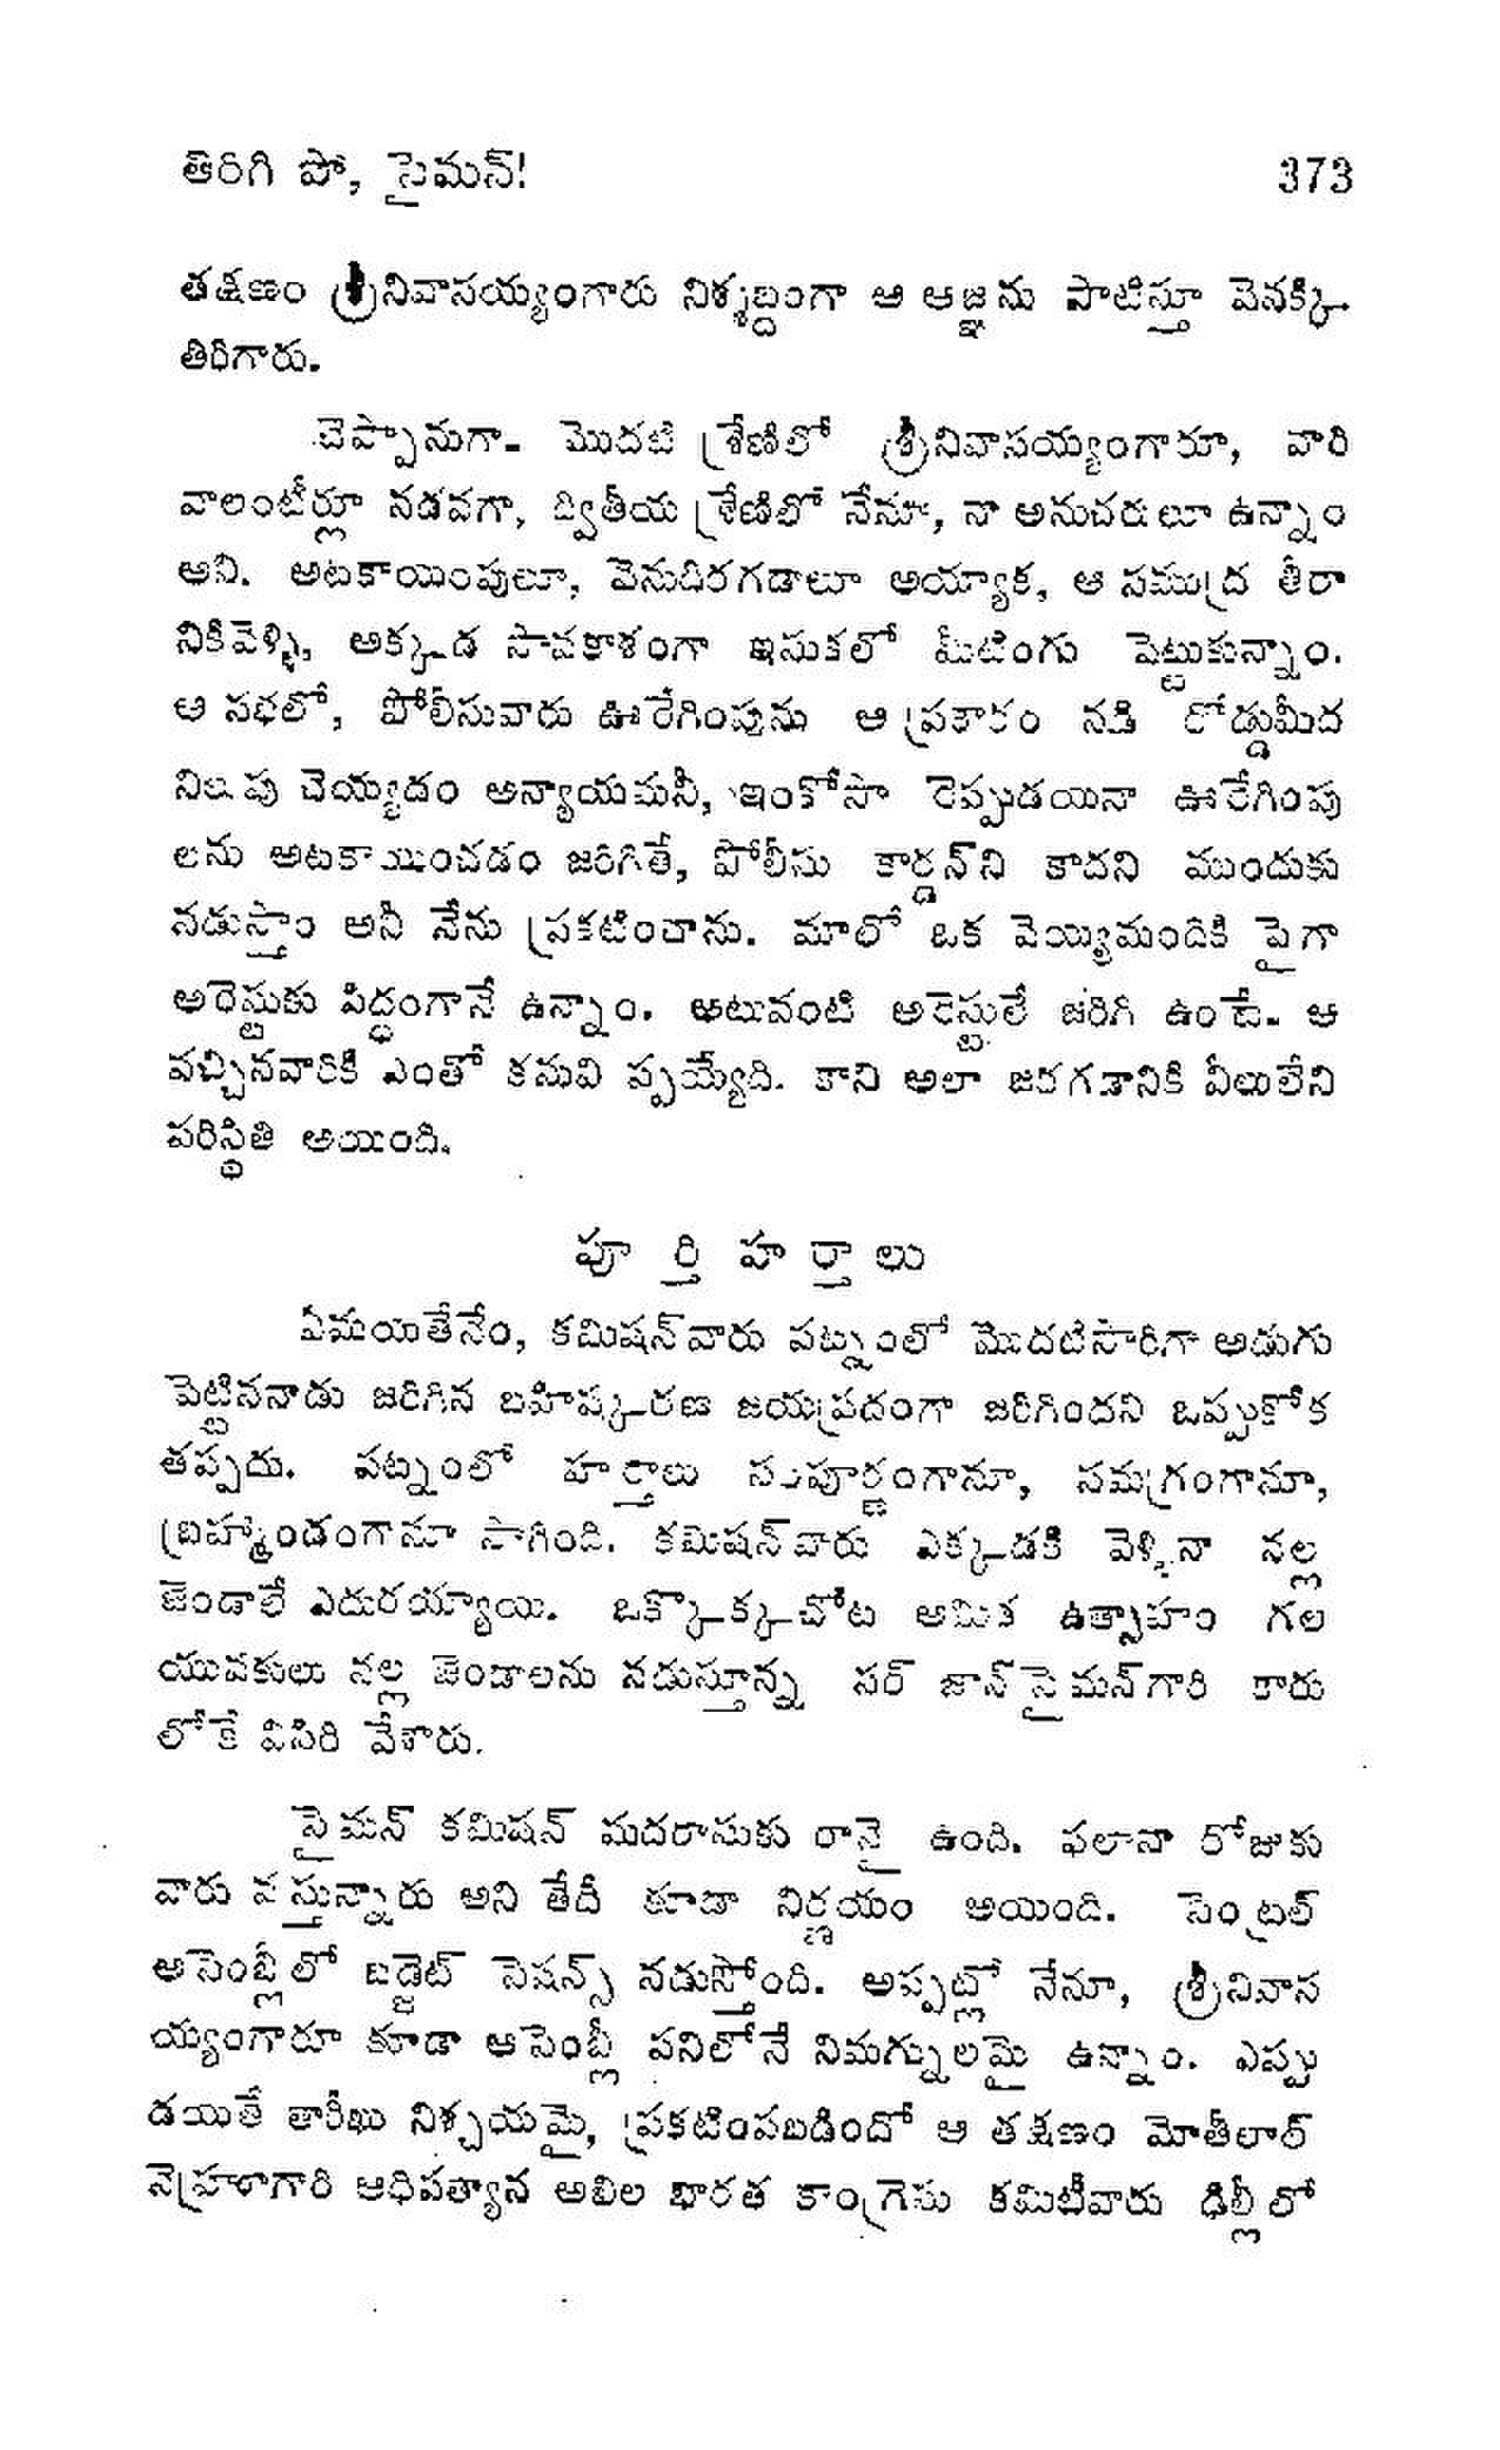తక్షణం శ్రీనివాసయ్యంగారు నిశ్శబ్దంగా ఆ ఆజ్ఞను పాటిస్తూ వెనక్కి తిరిగారు.

చెప్పానుగా - మొదటి శ్రేణిలో శ్రీనివాసయ్యంగారూ, వారి వాలంటీర్లూ నడవగా, ద్వితీయ శ్రేణిలో నేనూ, నా అనుచరులూ ఉన్నాం అని. అటకాయింపులూ, వెనుదిరగడాలూ అయ్యాక, ఆ సముద్ర తీరానికివెళ్ళి, అక్కడ సావకాశంగా ఇసుకలో మీటింగు పెట్టుకున్నాం. ఆ సభలో, పోలీసువారు ఊరేగింపును ఆ ప్రకారం నడి రోడ్డుమీద నిలుపు చెయ్యడం అన్యాయమనీ, ఇంకోసా రెప్పుడయినా ఊరేగింపులను అటకాయించడం జరిగితే, పోలీసు కార్డన్‌ని కాదని ముందుకు నడుస్తాం అనీ నేను ప్రకటించాను. మాలో ఒక వెయ్యిమందికి పైగా అరెస్టుకు సిద్ధంగానే ఉన్నాం. అటువంటి అరెస్టులే జరిగి ఉంటే - ఆ వచ్చినవారికి ఎంతో కనువి ప్పయ్యేది. కాని అలా జరగడానికి వీలులేని పరిస్థితి అయింది.

ఏమయితేనేం, కమిషన్‌వారు పట్నంలో మొదటిసారిగా అడుగుపెట్టిననాడు జరిగిన బహిష్కరణ జయప్రదంగా జరిగిందని ఒప్పుకోక తప్పదు. పట్నంలో హర్తాలు సంపూర్ణంగానూ, సమగ్రంగానూ, బ్రహ్మాండంగానూ సాగింది. కమిషన్‌వారు ఎక్కడకి వెళ్ళినా నల్ల జెండాలే ఎదురయ్యాయి. ఒక్కొక్క చోట అమిత ఉత్సాహం గల యువకులు నల్ల జెండాలను నడుస్తూన్న సర్ జాన్‌సైమన్‌గారి కారులోకే విసిరి వేశారు.

సైమన్ కమిషన్ మదరాసుకు రానై ఉంది. ఫలానా రోజుకు వారు వస్తున్నారు అని తేదీ కూడా నిర్ణయం అయింది. సెంట్రల్ అసెంబ్లీలో బడ్జెట్ సెషన్స్ నడుస్తోంది. అప్పట్లో నేనూ, శ్రీనివాసయ్యం గారూ కూడా అసెంబ్లీ పనిలోనే నిమగ్నులమై ఉన్నాం. ఎప్పుడయితే తారీఖు నిశ్చయమై, ప్రకటింపబడిందో ఆ తక్షణం మోతీలాల్ నెహ్రూగారి ఆధిపత్యాన అఖిల భారత కాంగ్రెసు కమిటీవారు డిల్లీలో